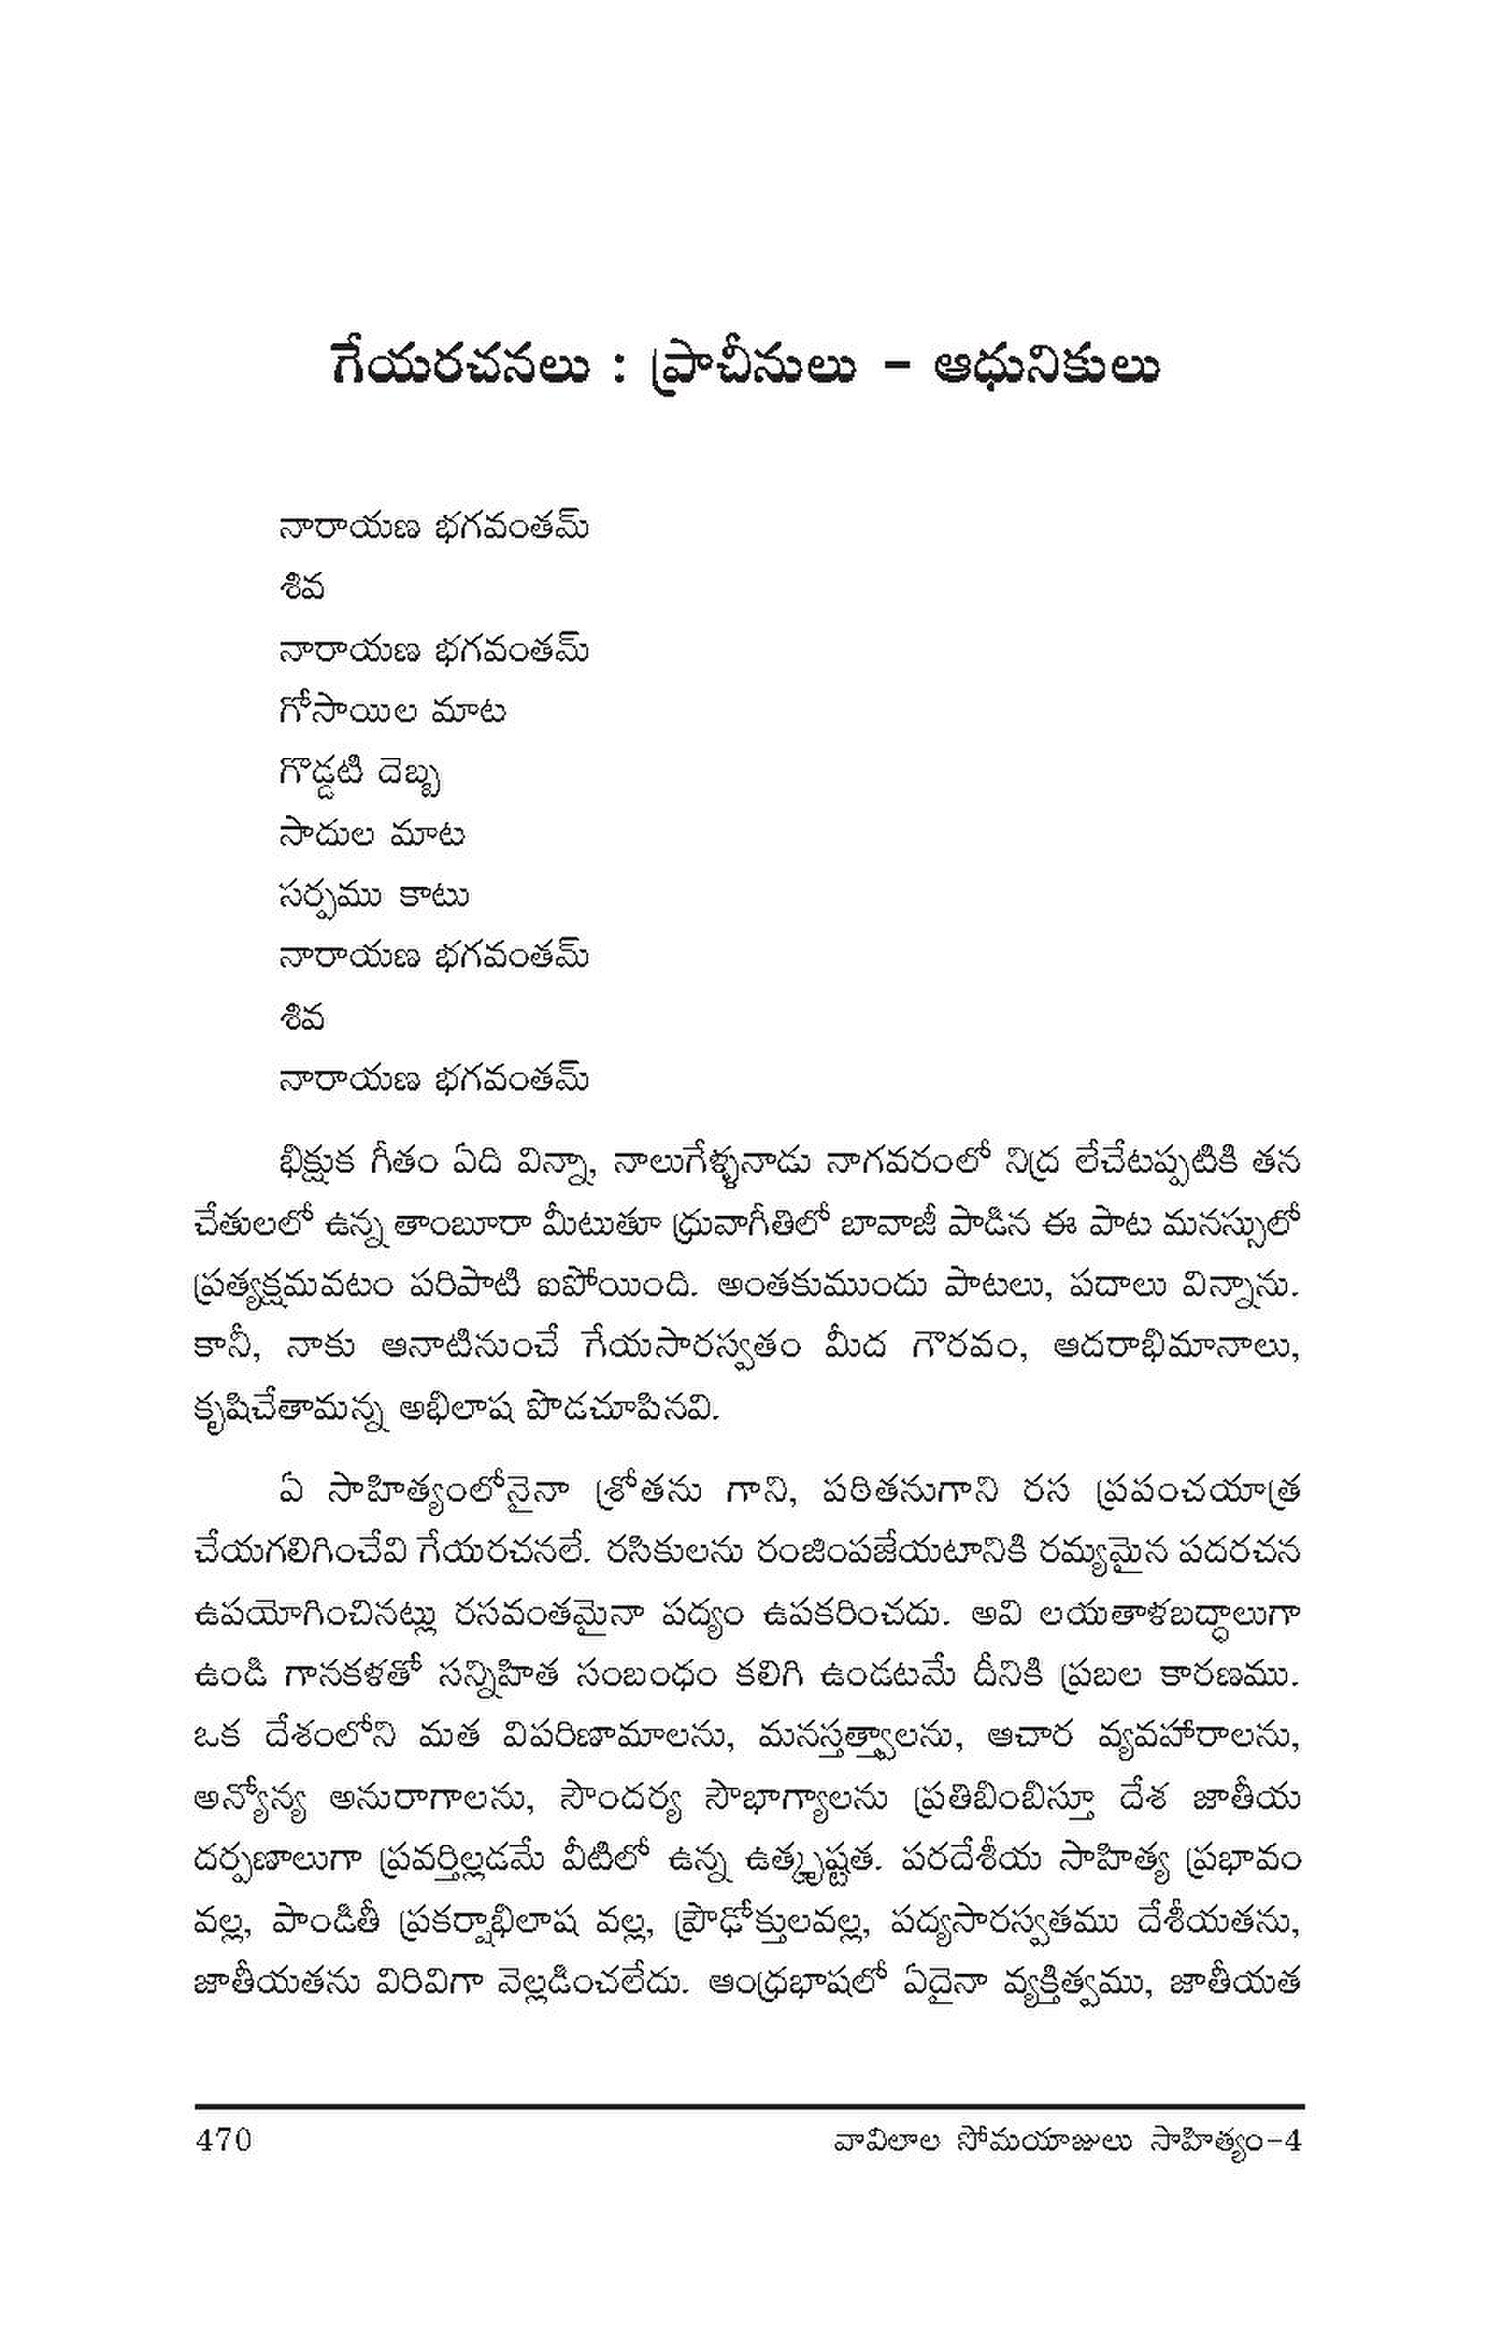భిక్షుక గీతం ఏది విన్నా, నాలుగేళ్ళనాడు నాగవరంలో నిద్ర లేచేటప్పటికి తన
చేతులలో ఉన్న తాంబూరా మీటుతూ ధ్రువాగీతిలో బావాజీ పాడిన ఈ పాట మనస్సులో
ప్రత్యక్షమవటం పరిపాటి ఐపోయింది. అంతకుముందు పాటలు, పదాలు విన్నాను.
కానీ, నాకు ఆనాటినుంచే గేయసారస్వతం మీద గౌరవం, ఆదరాభిమానాలు,
కృషిచేతామన్న అభిలాష పొడచూపినవి.

ఏ సాహిత్యంలోనైనా శ్రోతను గాని, పరితనుగాని రస ప్రపంచయాత్ర
చేయగలిగించేవి గేయరచనలే. రసికులను రంజింపజేయటానికి రమ్యమైన పదరచన
ఉపయోగించినట్లు రసవంతమైనా పద్యం ఉపకరించదు. అవి లయ తాళబద్ధాలుగా
ఉండి గానకళతో సన్నిహిత సంబంధం కలిగి ఉండటమే దీనికి ప్రబల కారణము.
ఒక దేశంలోని మత విపరిణామాలను, మనస్తత్వాలను, ఆచార వ్యవహారాలను,
అన్యోన్య అనురాగాలను, సౌందర్య సౌభాగ్యాలను ప్రతిబింబిస్తూ దేశ జాతీయ
దర్పణాలుగా ప్రవర్తిల్లడమే వీటిలో ఉన్న ఉత్కృష్టత. పరదేశీయ సాహిత్య ప్రభావం
వల్ల, పాండితీ ప్రకర్షభిలాష వల్ల, ప్రౌథోక్తులవల్ల, పద్యసారస్వతము దేశీయతను,
జాతీయతను విరివిగా వెల్లడించలేదు. ఆంధ్రభాషలో ఏదైనా వ్యక్తిత్వము, జాతీయత